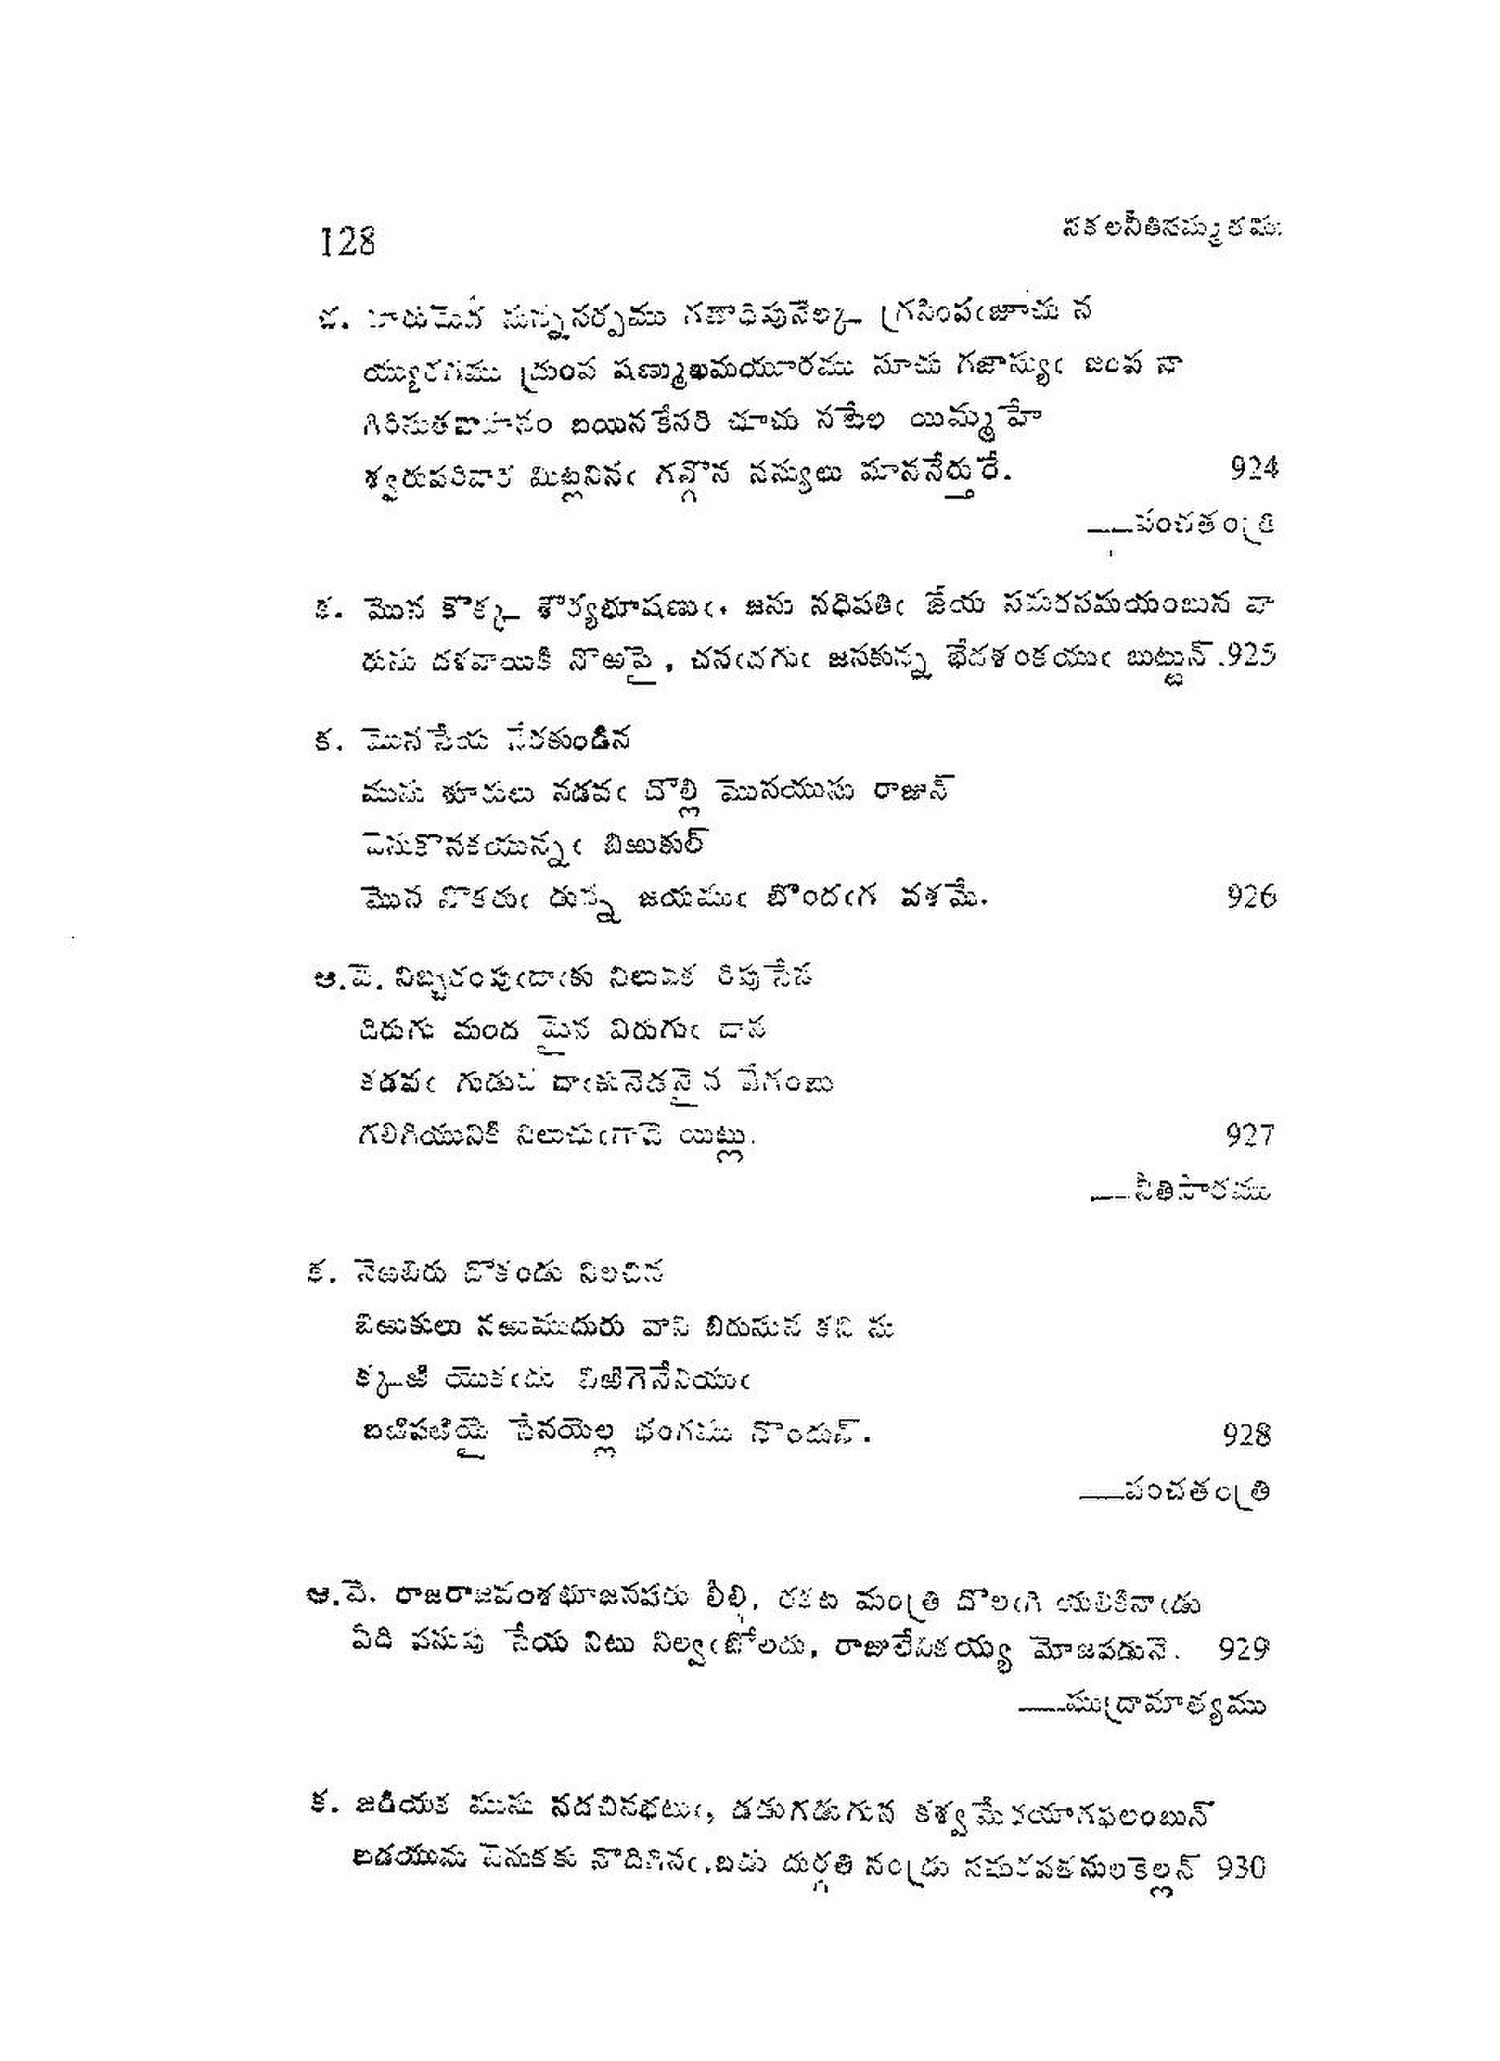చ. హరుమెడ నున్నసర్పము గణాధిపునెల్క గ్రసింపఁజూచు న
య్యురగము ద్రుంప షణ్ముఖమయూరము సూచు గజాస్యుఁ జంప నా
గిరిసుతవాహనం బయిన కేసరి చూచు నటేల యిమ్మహే
శ్వరుపరివార మిట్లనినఁ గన్గొన నన్యులు మాననేర్తురే. 924

క. మొన కొక్క శౌర్యభూషణుఁ
జను నధిపతిఁ జేయ సమరసమయంబున వా
రును దళవాయికి నొఱపై
చనఁదగుఁ జనకున్న భేదశంకయుఁ బుట్టున్. 925

క. మొనసేయ నేరకుండిన
మును శూరులు నడవఁ దొల్లి మొనయును రాజున్
వెనుకొనకయున్నఁ బిఱుకుల్
మొన నొకరుఁ డున్న జయముఁ బొందఁగ వశమే. 926

ఆ. నిబ్బరంపుఁదాఁకు నిలువక రిపుసేన
దిరుగు మంద మైన విరుగుఁ దాన
కడవఁ గుజువ దాఁకునెడనైన వేగంబు
గలిగియునికి నిలుచుఁగాదె యిట్లు. 927

క. నెఱబిరు దొకండు నిలిచిన
బిఱుకులు నఱుముదురు వాని బిరుసున కని సు
క్కఱి యొకఁడు విఱిగెనేనియుఁ
బఱిపఱియై సేనయెల్ల భంగము నొందున్. 928

ఆ. రాజరాజవంశభూజనపతు లీల్గి
రకట మంత్రి దొలఁగి యలికినాఁడు
ఏది పనుపు సేయ నిటు నిల్వఁబోలదు
రాజులేనికయ్య మోజపడునె. 929

క. జడియక మును నడిచిన భటుఁ
డడుగడుగున కశ్వమేధయాగఫలంబున్
బడయును వెనుకకు నొదిగినఁ
బడు దుర్గతి నండ్రు సమరపతనుల కెల్లన్. 930